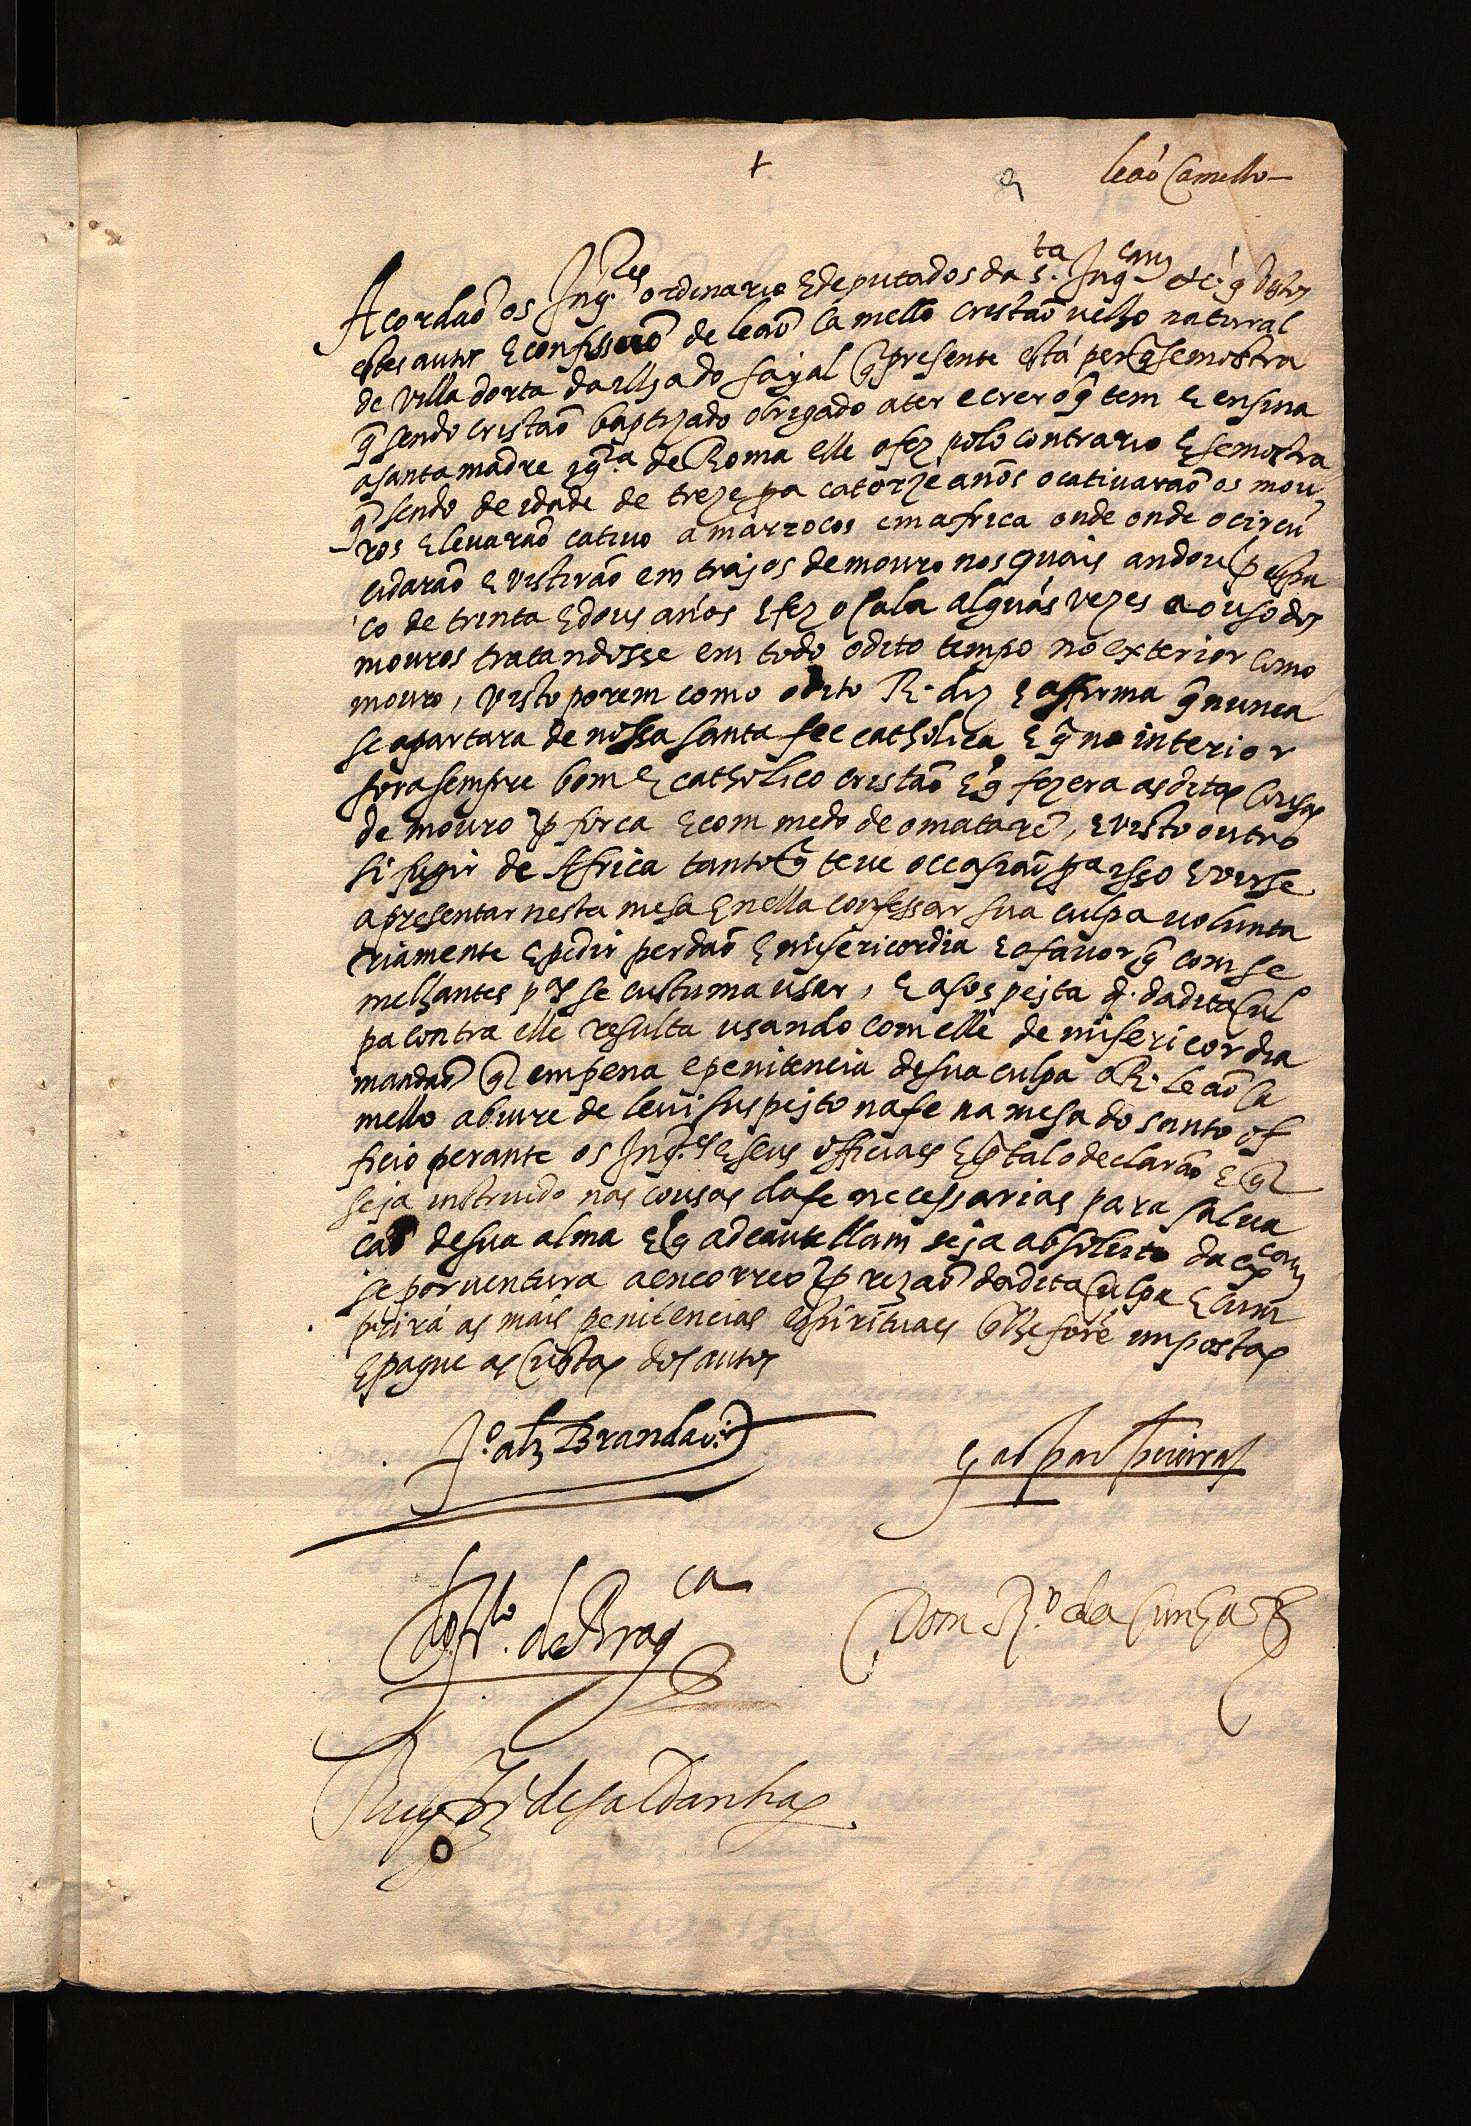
leaõ Camello
Acordaõ os Jnq.res ordinario E deputados da sta. Jnqcam de q̄ Vistos
estes autos E confissaõ de leaõ camello cristaõ uelho natural
de villa dorta da ilha do Fayal q̄ presente está per q̄ se mostra
q̄ sendo cristaõ baptizado obrigado a ter e crer o q̄ tem, E ensina
a santa madre ig.ra de Roma elle o fez pelo contrario E se mostra
q̄ sendo de idade de treze ꝑa catorze anōs o catiuaraõ os mou
ros E leuarão catiuo a marrocos em africa onde onde o circū
cidaraõ e vestirão em trajos de mouro nos quais andou p̄ espa
ço de trinta E dous an̄os E fez o Cala alguās vezes ao uso dos
mouros tratandosse em todo o dito tempo no exterior como
mouro, visto porem como o dito R. diz E affirma q̄ nunca
se apartara de nossa santa fee catholica E q̄ no interior
fora sempre bom e catholico cristaõ E q̄ fizera as ditas cousas
de mouro p̄ força E com medo de o matarē, E visto outro
si fugir de Africa tanto q̄ teue occasiaõ ꝑa isso e virse
apresentar nesta mesa E nella confessar sua culpa uolunta
riamente E pedir perdaõ E misericordia E o fauor q̄ com se
melhantes pas se custuma usar, E a sospeita q̄ da dita Cul
pa contra elle resulta usando com elle de misericordia
mandaõ q̄ em pena e penitencia de sua culpa o R. Leaõ Ca
mello abiure de leui suspeito na fe na mesa do santo of
ficio perante os Jnq.res e seus officiaes E q̄ tal o declarão E q̄
seja instruido nas cousas da fe necessarias para salua
çaõ de sua alma, E q̄ ad cautellam seja absoluto da excam
se por uentura a encorreo, p̄ rezaõ da dita Culpa e cum
prirá as mais penitencias espirituaes q̄ lhe forē impostas
E pague as Custas dos autos
J.o al̄z Brandaõ
Gaspar pereira
Dō fr.co de Brag.ça
Dom R.o da Cunha
Ruy frz de saldanha
